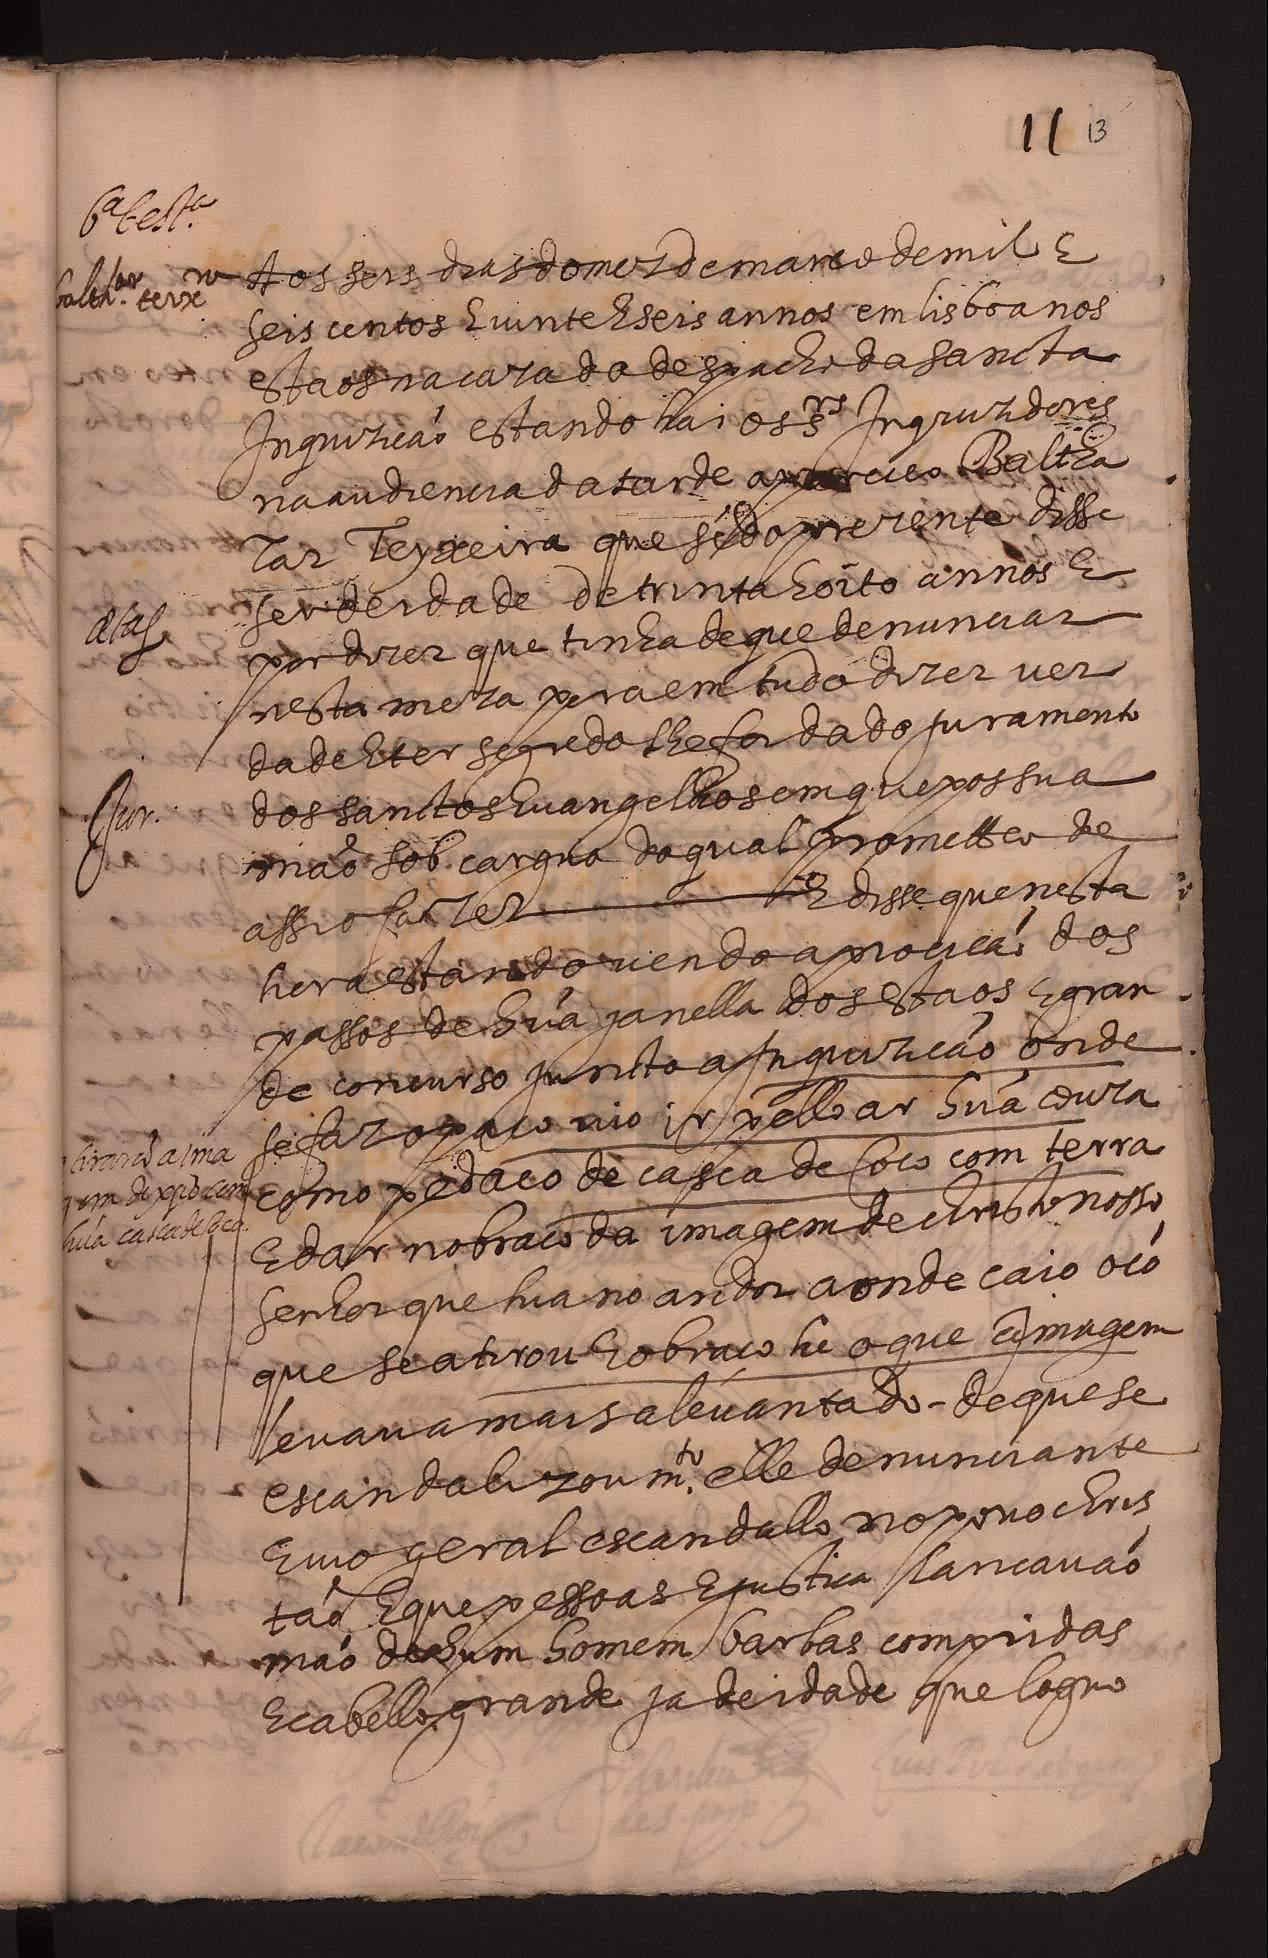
11
6a test.a
Aos seis dias do mez de março de mil E
balth.ar teixra
seiscentos E uinte E seis annos em lisboa nos
estaos na caza do despacho da Sancta
Jnquiziçaõ estando hai os srs Jnquizidores
na audiencia da tarde apareceo Baltha
Zar Teyxeira que sēdo prezente disse
ser de idade de trinta E oito annos E
por dizer que tinha de que denunciar
ætas
nesta meza pera em tudo dizer uer
dade E ter segredo lhe foi dado juramento
dos sanctos Euangelhos em que pos sua
Jur.
maõ sob carguo do qual prometteo de
assi o fazer
E disse que nesta
hora estando uendo a procicaõ dos
passos de huā janella dos estaos E gran
de concurso juncto a Jnquiziçaõ onde
se faz o paço uio ir pello ar huā couza
como pedaco de casca de Coco com terra
tiraraõ a ima
gem de xpō com
huā casca de coco
E dar no braco da imagem de christo nosso
senhor que hia no andor aonde caio o cō
que se atirou E o braço he o que a Jmagem
leuaua mais aleuantado de que se
escandalizou m.to elle denunciante
E uio geral escandallo no pouo chris
taõ E que pessoas E justiça lancauaõ
maõ de hum homem barbas compridas
E cabello grande ja de idade que loguo
